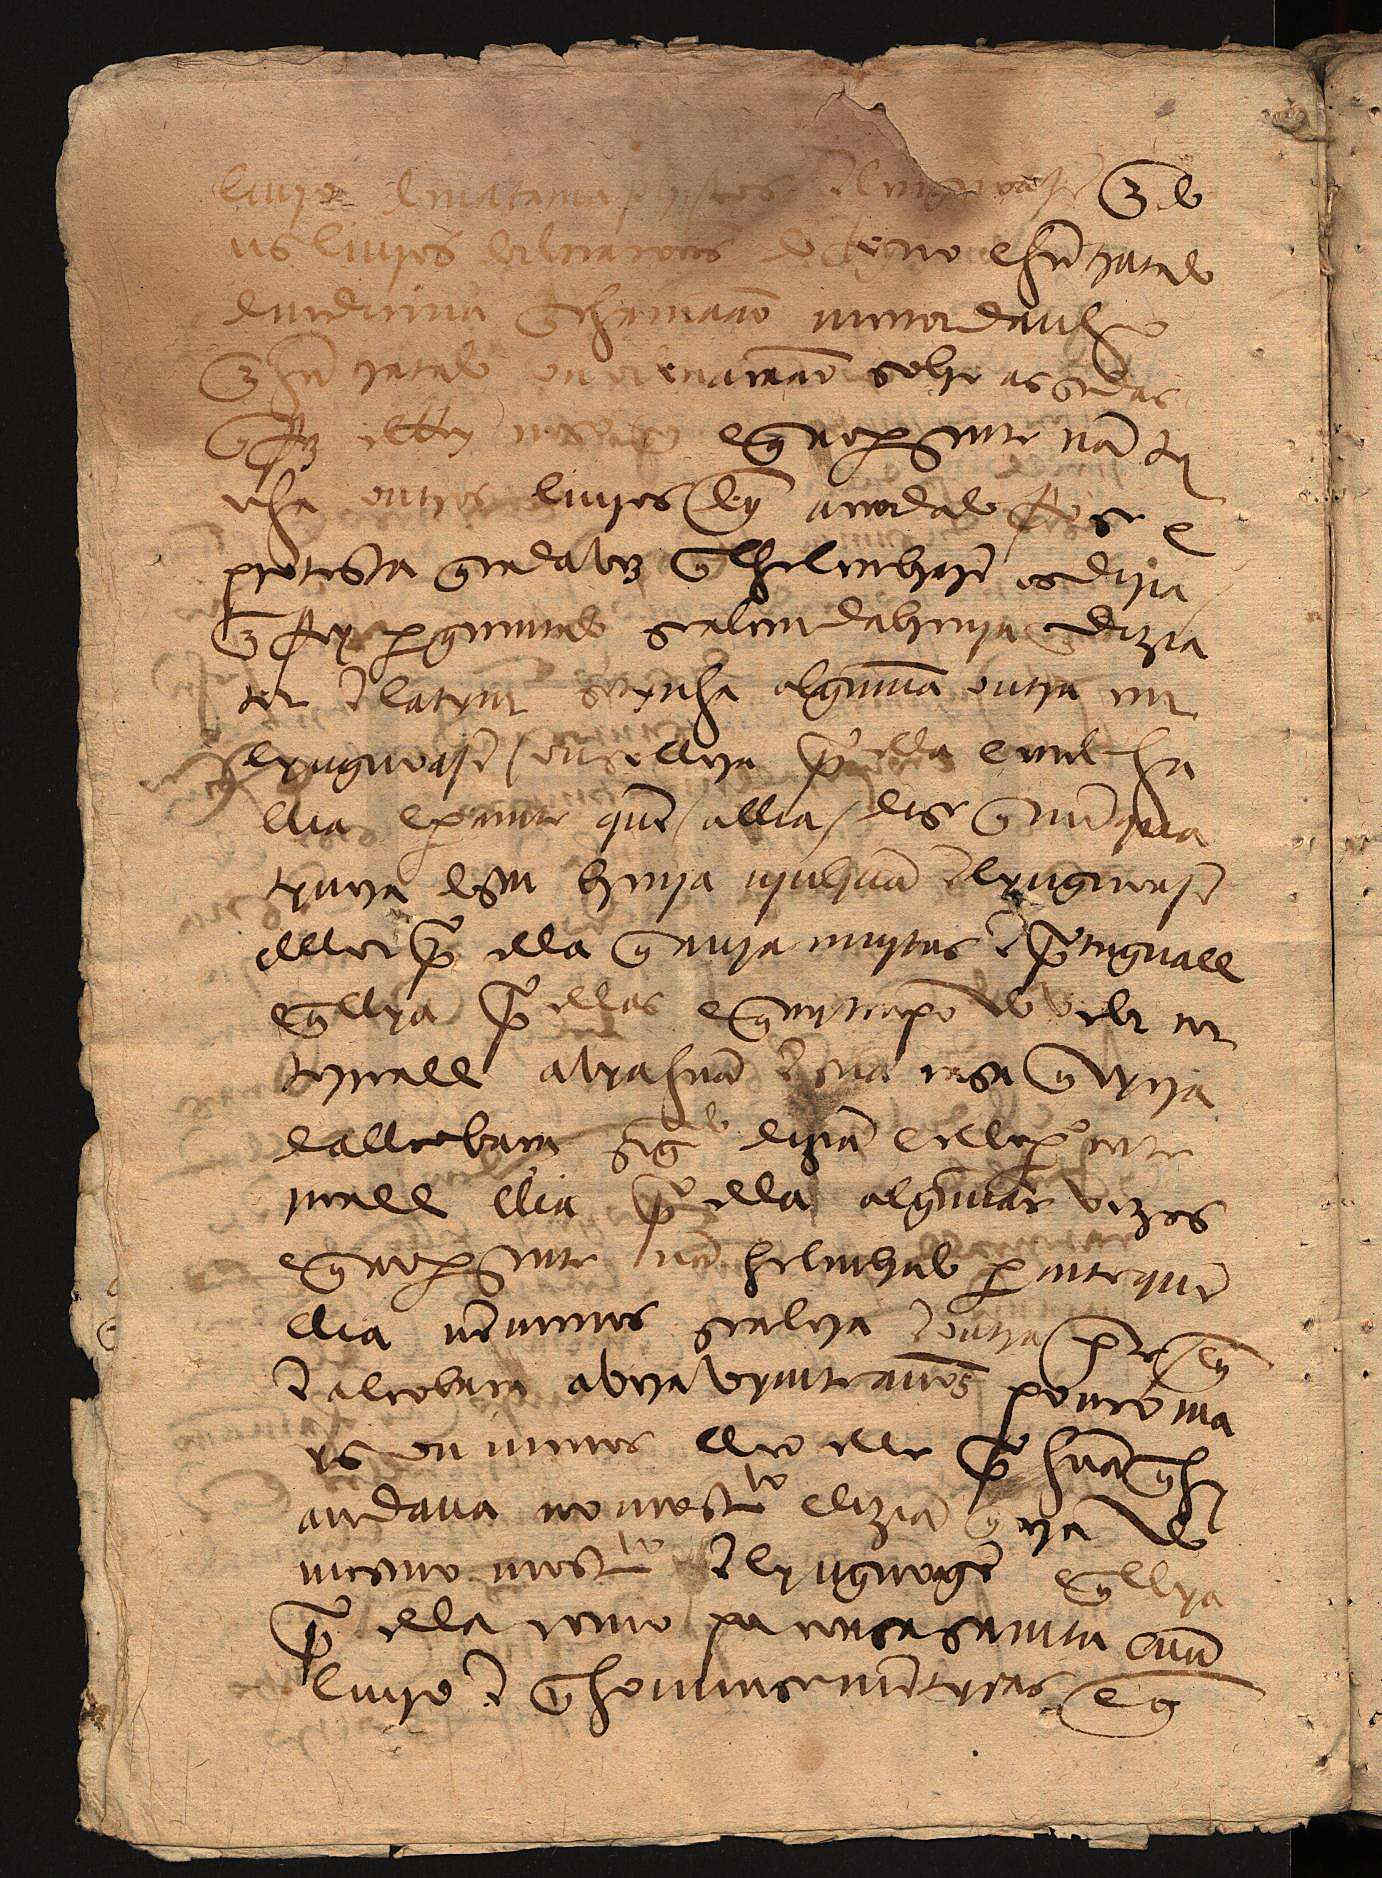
liuro de matama physeos ē linguoaJē item do
us liuros dordenacõees do Regno e hū tratado
de medicina q̄ chamaão menor danho
item hū tratado ou ordenacaão sobre as sedas
q̄ fez el Rey noso s̄or e q̄ no ꝑsente nā ty
nha outros liuros de q̄ acordado fose e
protesta q̄ cada vez q̄ lhe lenbrarē os dizia
item foy ꝑgumtado se alem da briuja q̄ dizia
ter ē latym se tynha alguūa outra em
lynguoaJē / ou se llera p̄o ella e onde ha
llia e ꝑamte quē / a llia / dise q̄ nūqua
tyuera de seu briuja njnhūa ē lynguoaJē
e de ller p̄o ella q̄ auja mujtas ē p̄otuguall
e q̄ llya p̄o ellas e q̄ em tenpo do vedor cor
terreall avya huā ē sua casa q̄ vyera
dallcobaça segdo diziā e elle ꝑo corte
rreall llia p̄o ella algūuas vezes
e q̄ ao ꝑsente nā he lenbrado ꝑante quē
llia nē menos se a lera ē outra p̄te / e q̄
ē alcobaça avera vymte an̄os pouco ma
ys ou menos lleo elle p̄o huā q̄ hy
andaua no mostro e diziā q̄ era do
mesmo mostro ē lynguoagē e q̄ llya
p̄o ella como por cousa samta q nā
liuro ē q̄ houuese mētyras e q̄
